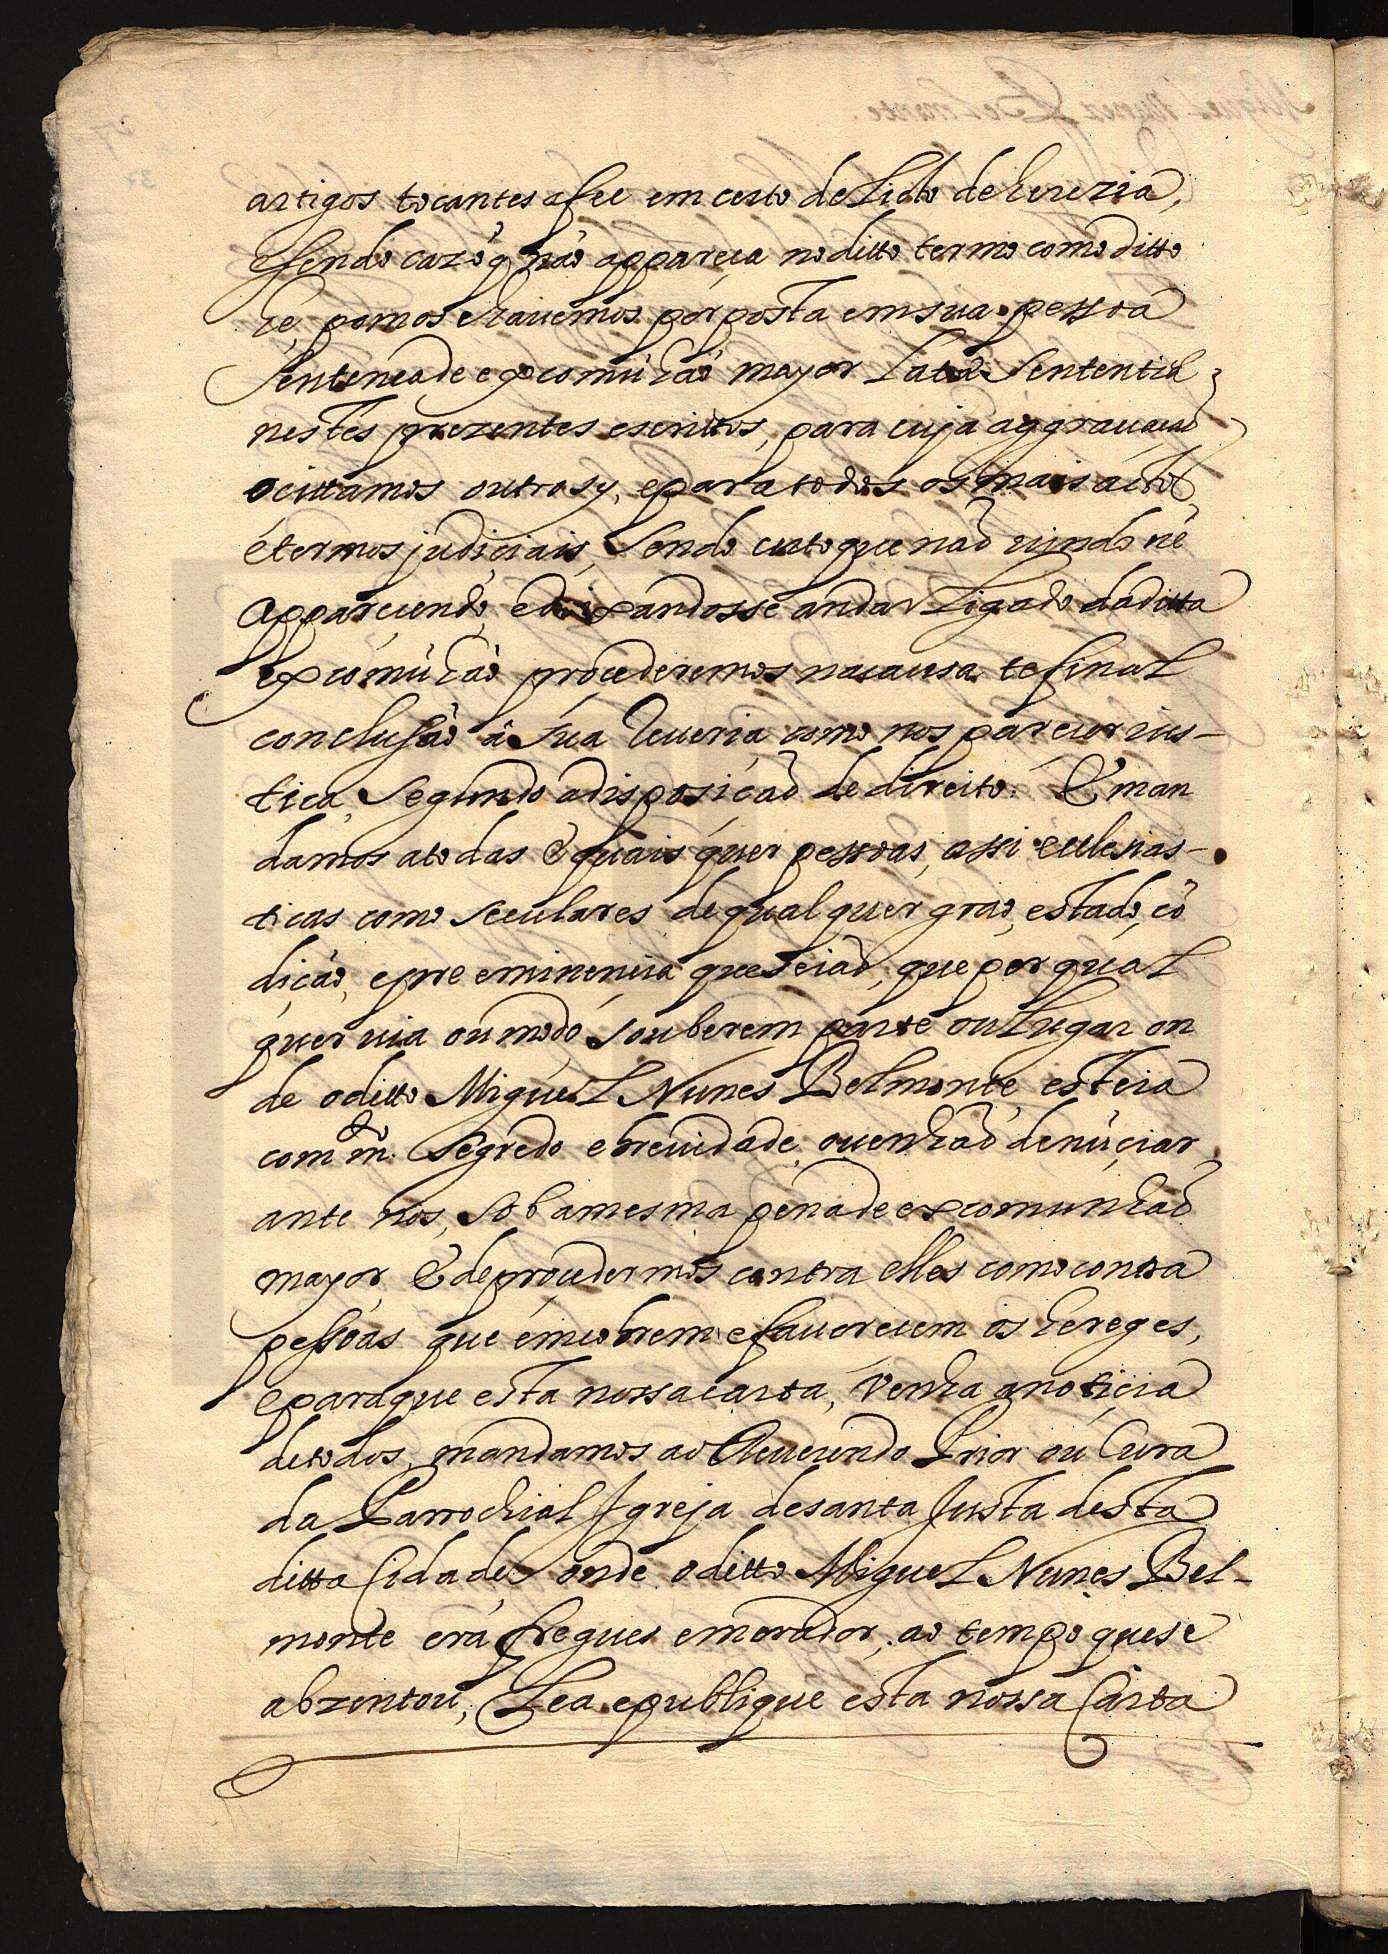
artigos tocantes a fee em certo delicto de herezia,
e sendo cazo q̄ não appareça no ditto termo como ditto
he, pomos e hauemos por posta em sua pessoa
sentença de excomuhaõ mayor latæ sententiæ
nestes prezentes escrittos, para cuja aggrauaçaõ
o cittamos outrosy, e para todos os mais actos
e termos judiciais, sendo certo que naõ uindo nē
apparecendo, e deixandosse andar ligado da ditta
excomuhaõ procederemos na causa te final
conclusão â sua Reueria, como nos parecer ius
tiça segundo a disposiçaõ de direito. E man
damos a todas e quaisquer pessoas, assi ecclesias
ticas como seculares de qualquer grao, estado, cō
dição, e preeminencia que seiaõ, que por qual
quer uia ou modo souberem parte ou lugar on
de o ditto Miguel Nunes Belmonte esteia
com mto segredo e breuidade o uenhaõ denūciar
ante nos, sob a mesma pena de excomunhaõ
mayor, E de procedermos contra elles como contra
pessoas que emcobrem e fauorecem os hereges,
e para que esta nossa carta, venha a noticia
de todos, mandamos ao Reuerendo Prior ou Cura
da Parrochial Jgreja de santa Justa desta
ditta Cidade onde o ditto Miguel Nunes Bel
monte era fregues e morador, ao tempo que se
abzentou, Lea e publique esta nossa Carta
